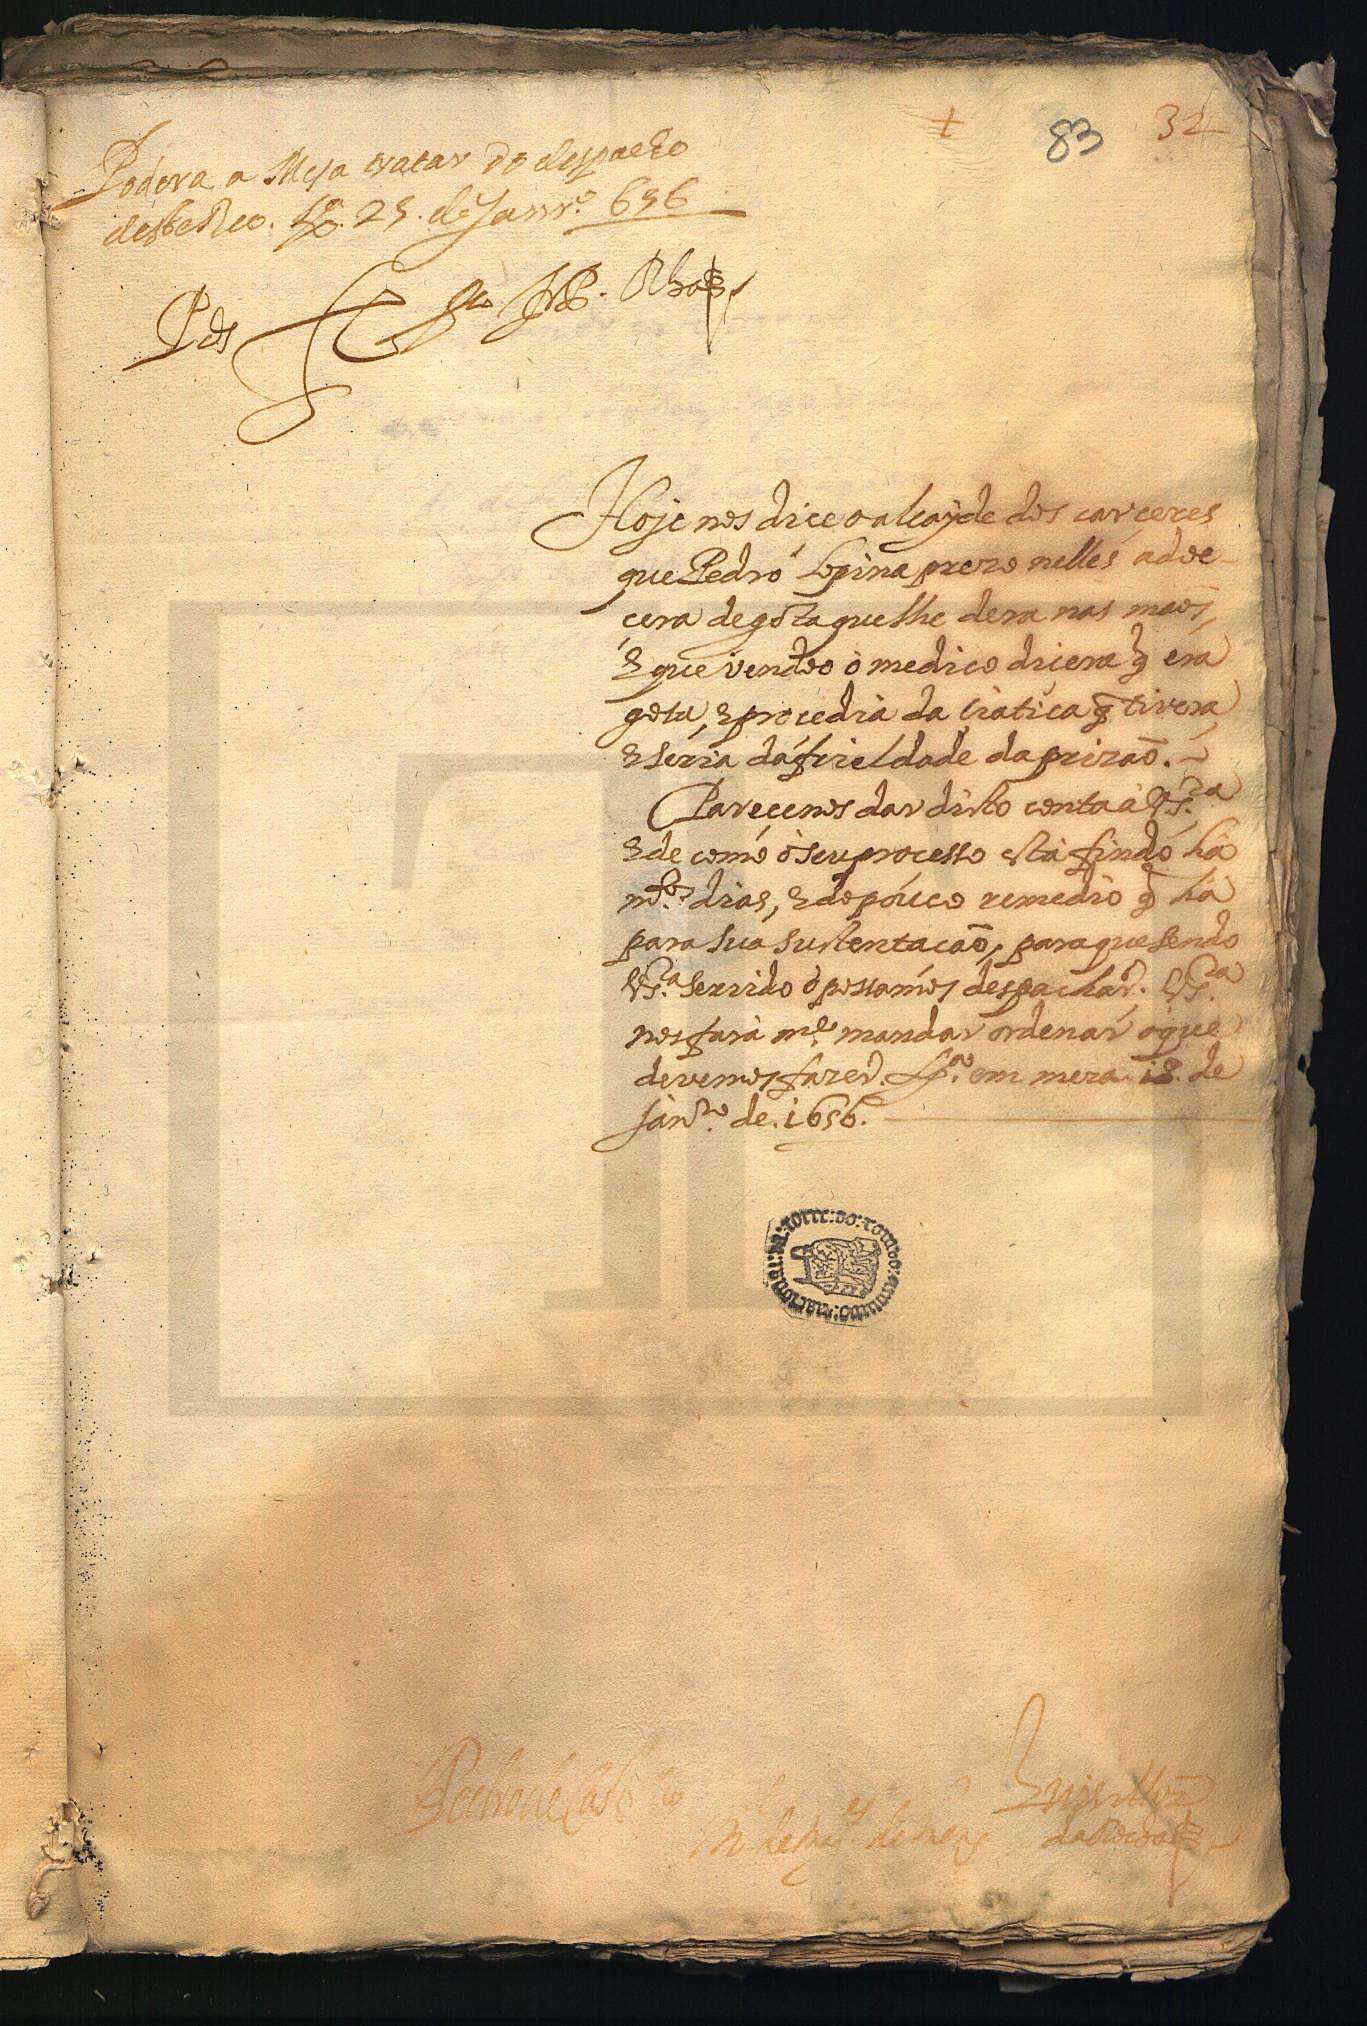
32
Podera a Mesa tratar do despacho
deste Reo. Lxa 25. de Janr.o 656
Pds
pco
fr P.
Rba
Hoje nos dice o alcayde dos carceres
que Pedro Lopina prezo nelles adoe
cera de gota que lhe dera nas maõs,
E que vendoo o medico dicera q̄ era
gota, E procedia da ciatica q̄ tivera,
E seria da frieldade da prizaõ.
Parecenos dar disto conta a V s.ra
E de como o seu processo esta findo há
m.tos dias, E do pouco remedio q̄ há
para sua sustentaçaõ, para que sendo
V s.ra servido o possamos despachar; V s.ra
nos fara m.e mandar ordenar o que
devemos fazer. Lx.a em meza i8 de
Jan.ro de i656.
Pedro de Castilho
Mel de mag.es de mens
Luis Alvz̄
da Rocha
